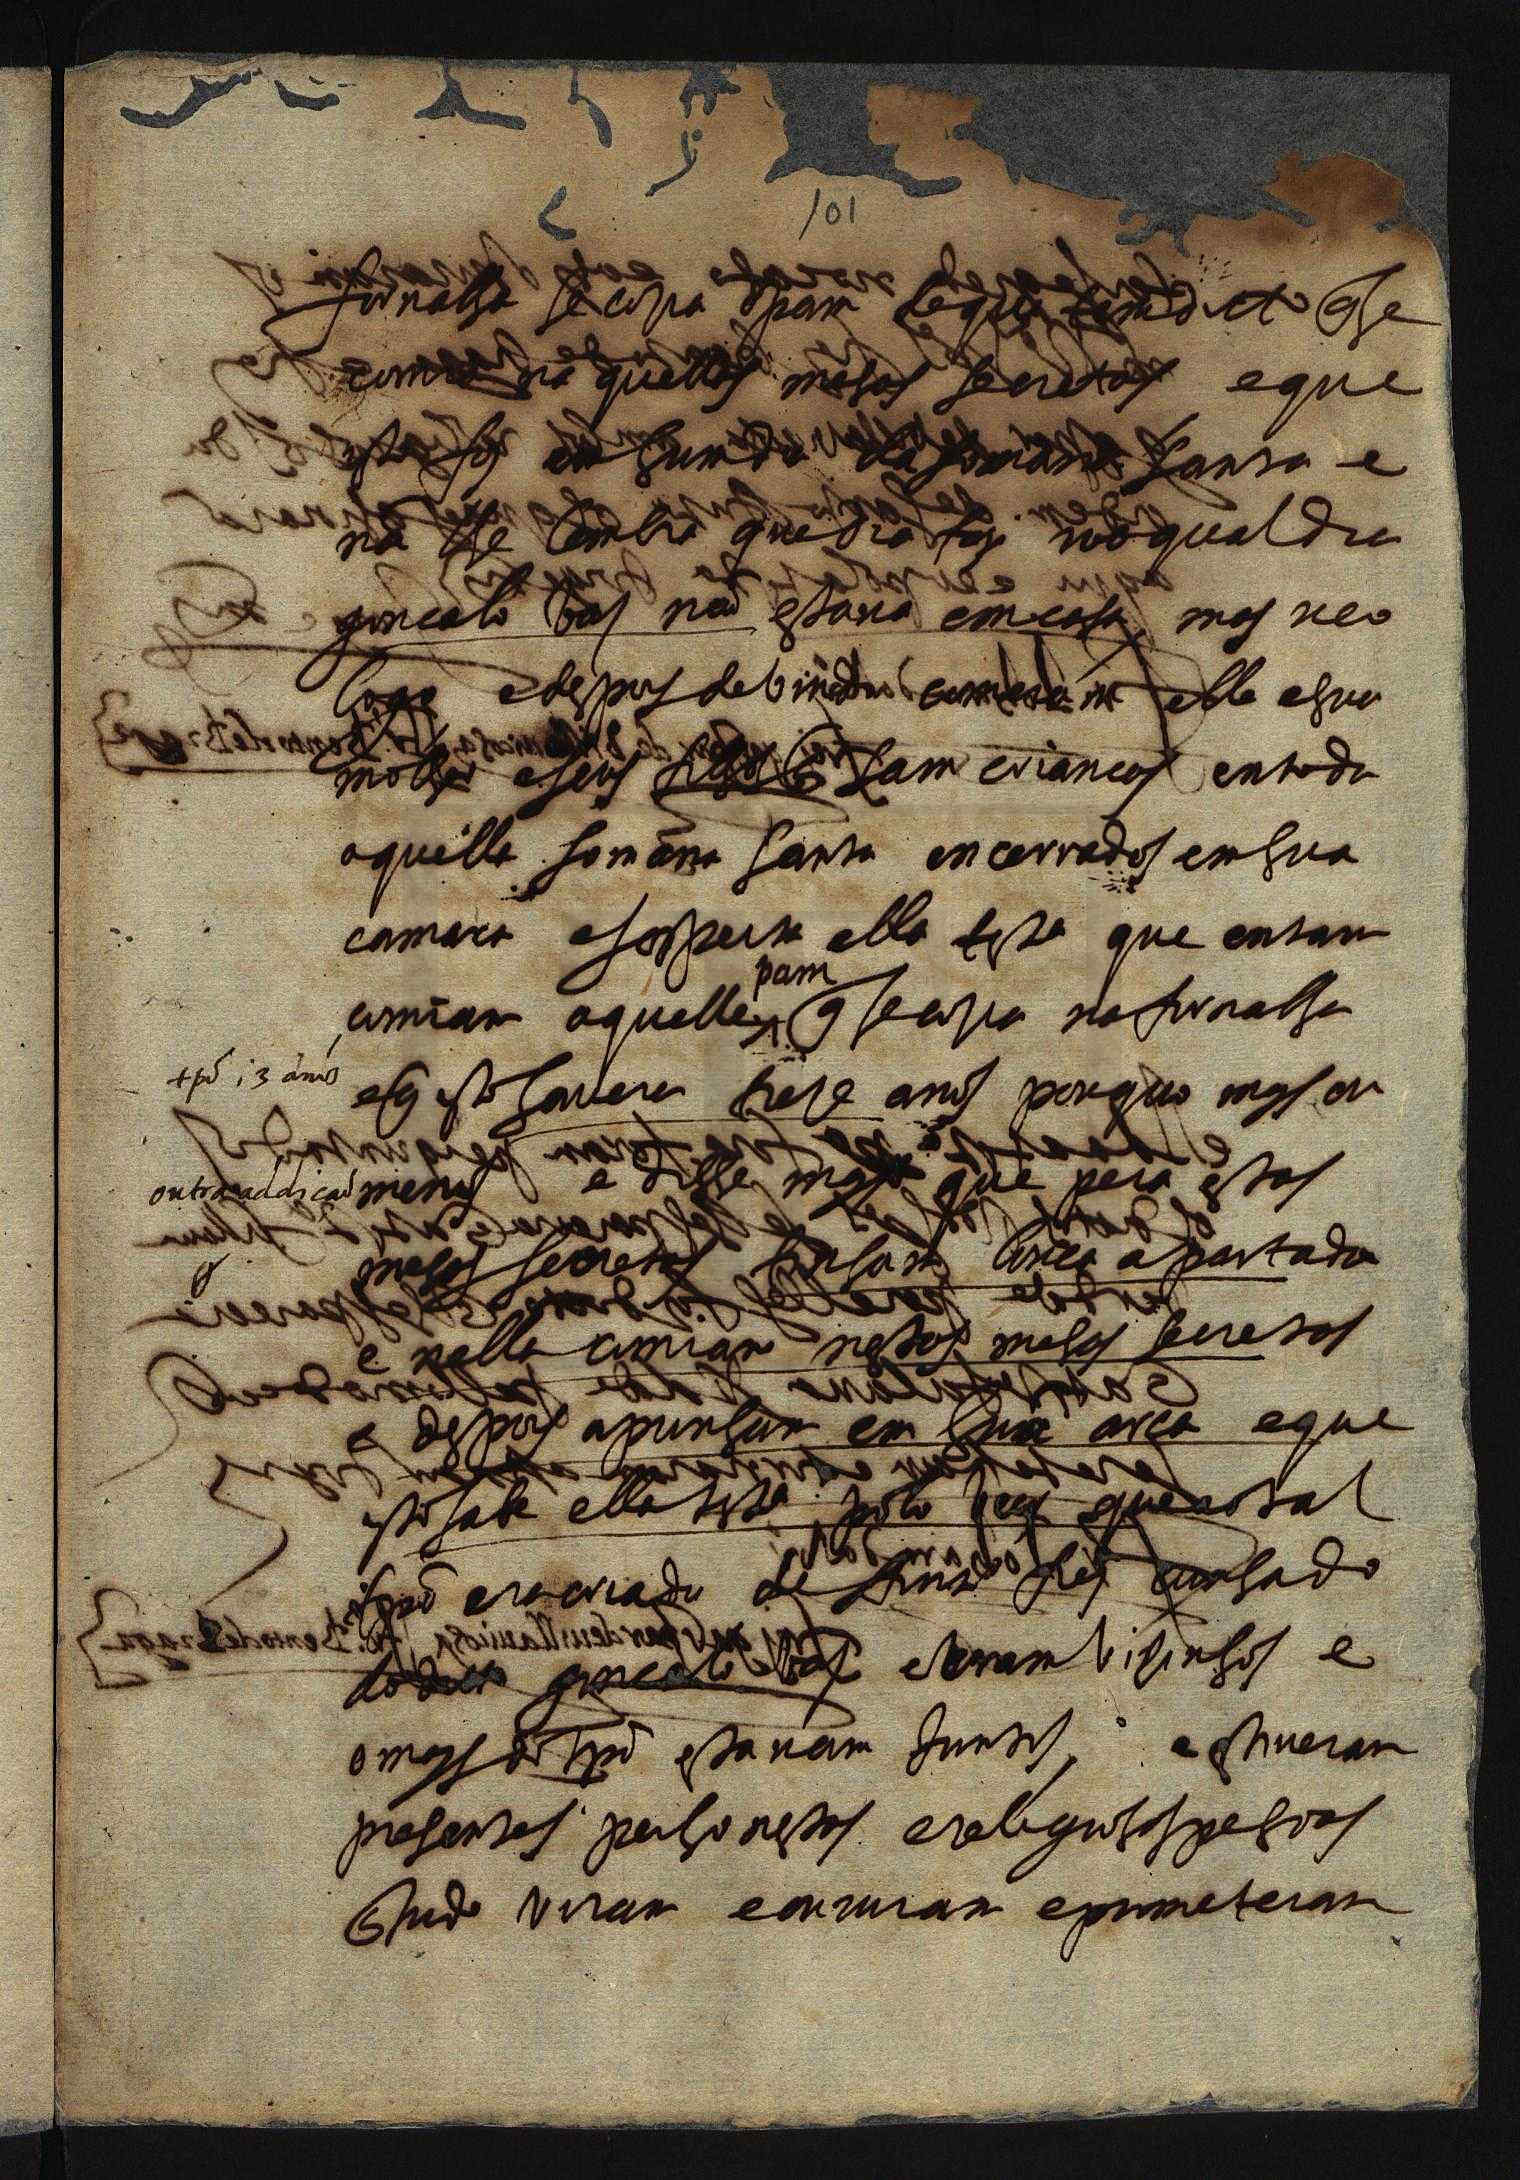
fornalha se cozia o pam de que tem dicto q̄ se
comia naquellas mesas secretas e que
isto foj em hum dia da somana santa e
nā lhe lembra que dia foy no qual dia
gonçalo Vaz naõ estaua em casa, mas ueo
logo e despois de vindo comeram elle e sua
molher e seus filhos q̄ sam crianças en toda
aquella somana santa encerrados em sua
camara e sospeita ella testa que entam
comiam aquelle pam q̄ se cozia na fornalha
tpō 13 anōs
e q̄ isto hauera treze anos pouquo majs ou
menos e disse majs que pera estas
outra addição
mesas secretas tinham louça apartada
e nella comiam nestas mesas secretas
e despois a punham em huā arca e que
isto sabe ella testa polo veer que ao tal
tpō era criada de Anto frez̄ cunhado
do ditto gonçalo vāz e eram vizinhos, e
o majs do tpō estauam Juntos e estiueran
presentes por honestas e religiosas pesoas
q̄ tudo viram e ouuiram e prometeram
